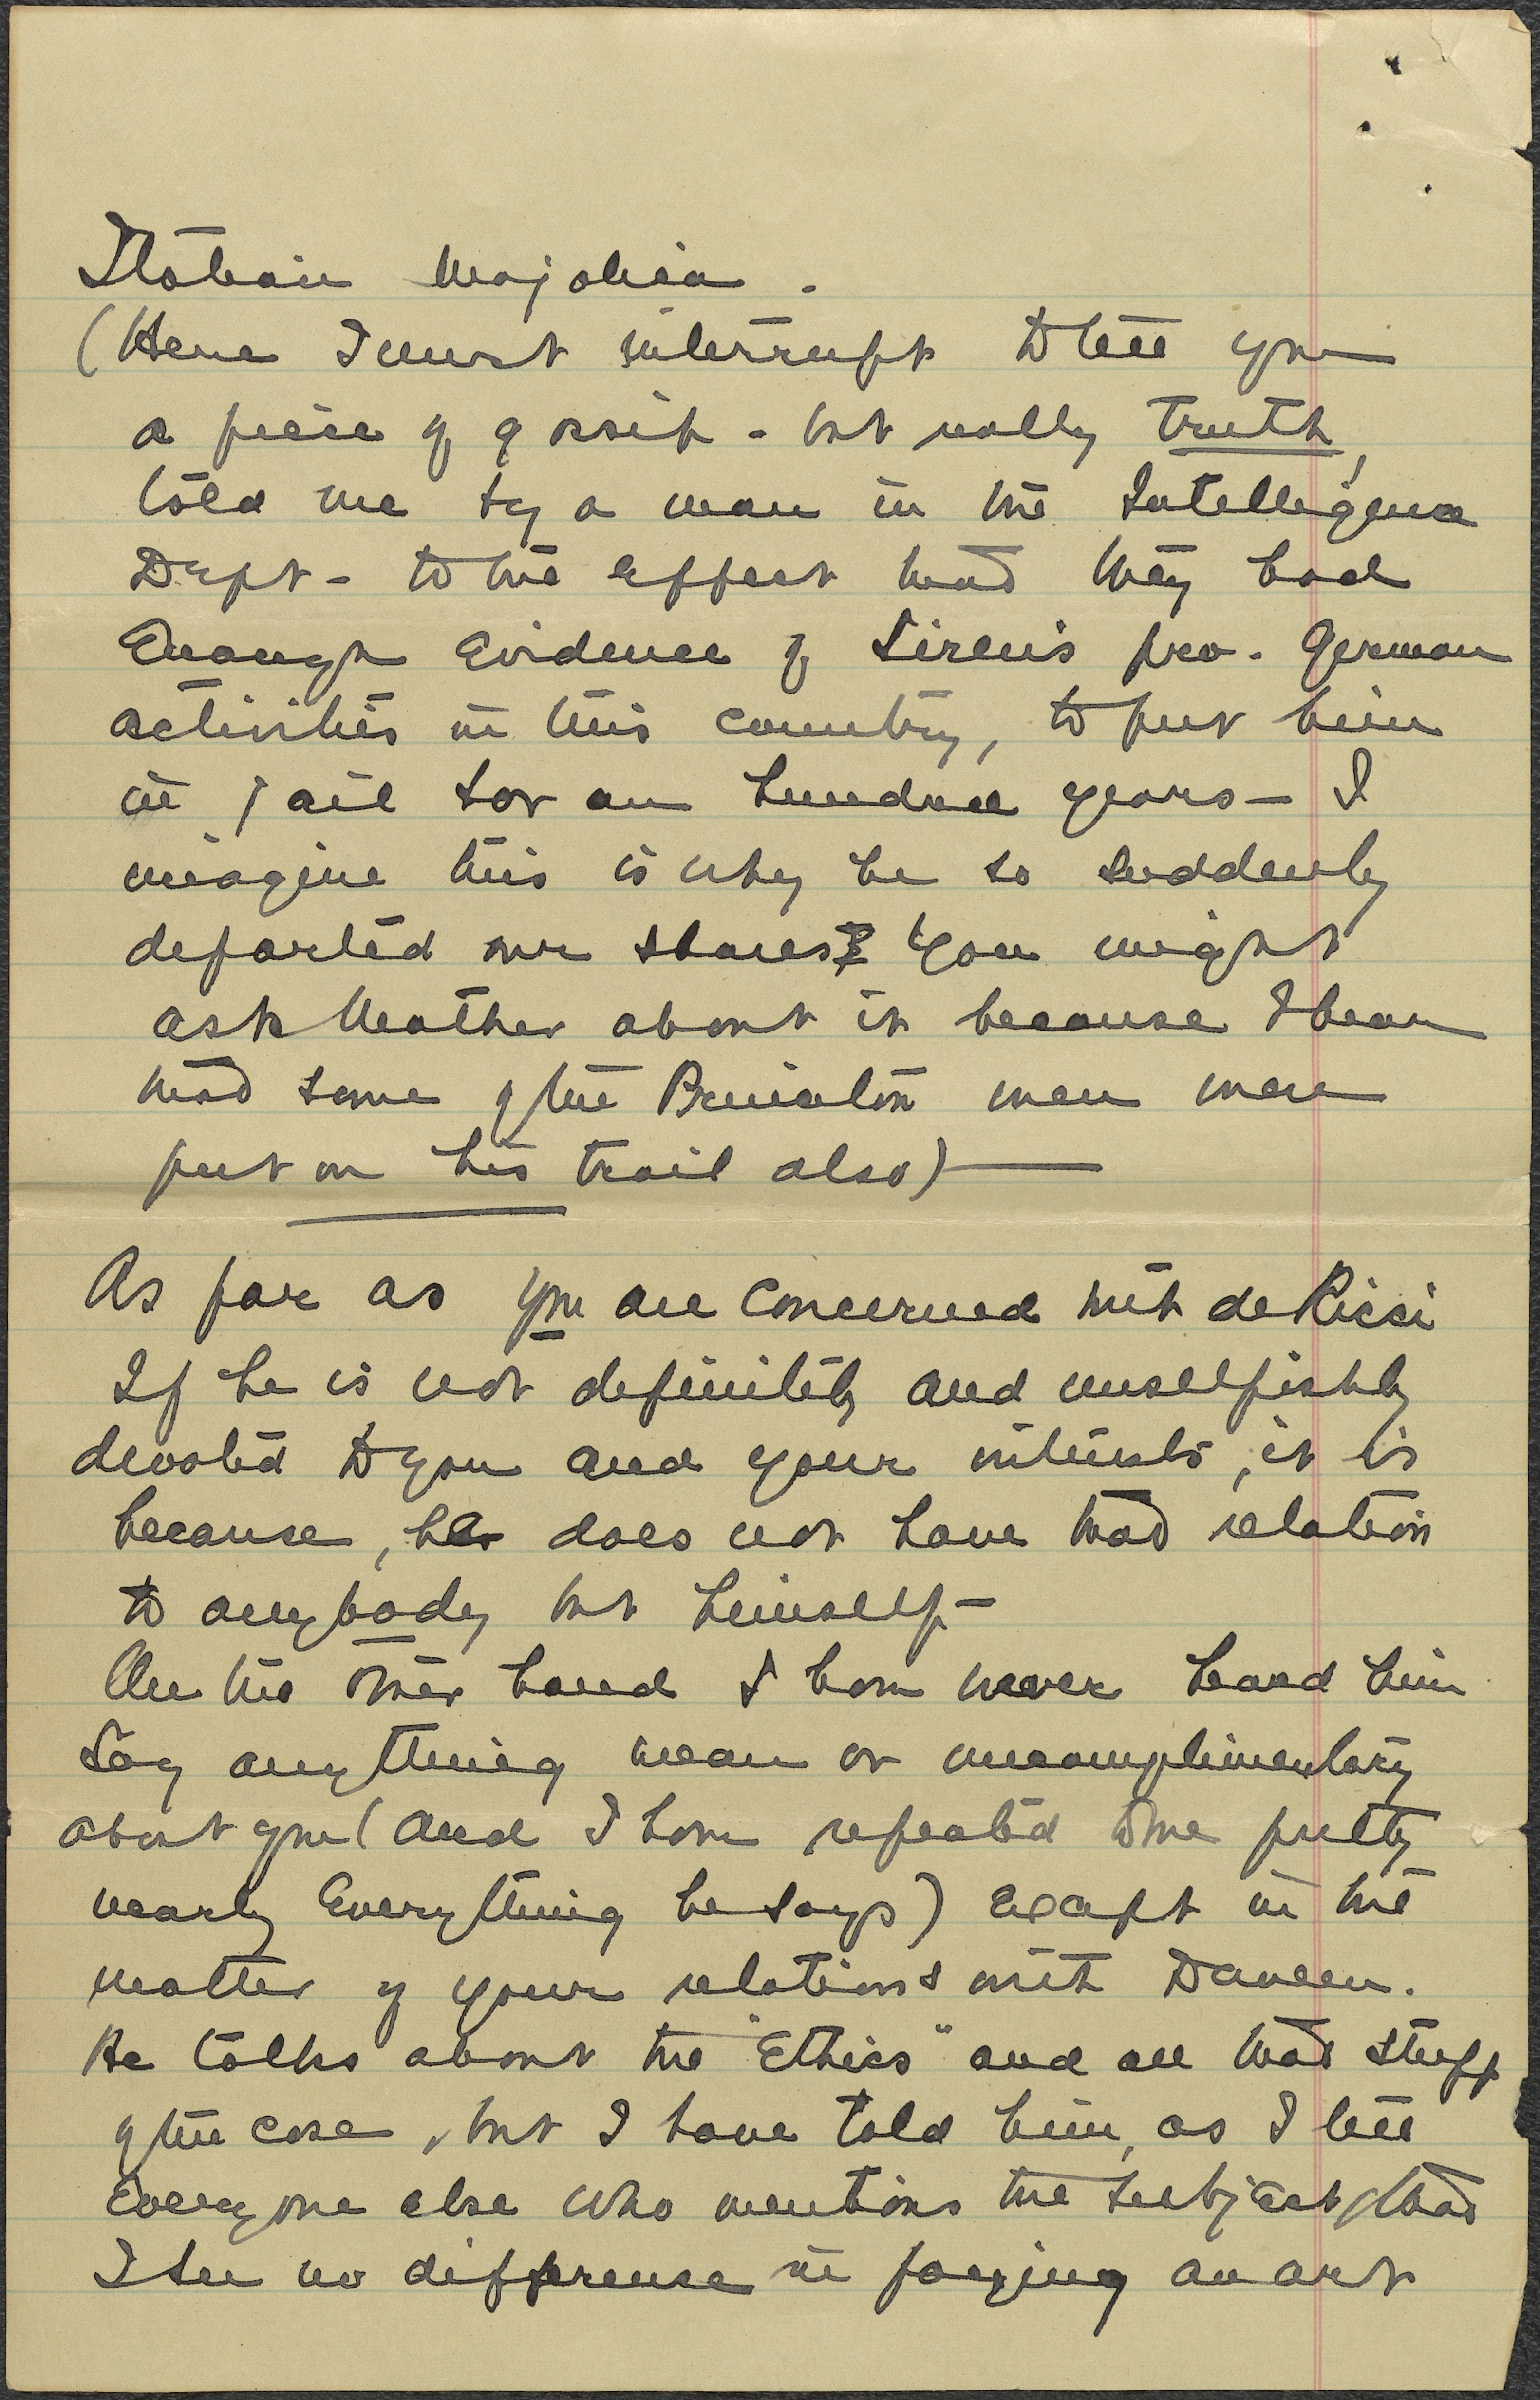Italian majolica.
(Here I must interrupt to tell you a piece of gossip – but really truth, told me by a man in the Intelligence Dept – to the effect that they have enough evidence of Sireu's pro-German activities in this country, to put him in jail for an hundred years – I imagine this is why he so suddenly departed our shores [illegible deletion] You might ask Mather about it because I hear that some of the Princeton men were put on his trail also) –
As far as you are concerned with de Ricci If he is not definitely and unselfishly devoted to you and your interests, it is because, he does not have that relation to anybody but himself –
On the other hand I have never heard him say anything mean or uncomplimentary about you (and I have repeated to me pretty nearly everything he says) except in the matter of your relations with Duveen. He talks about the "Ethics" and all that stuff of the case, but I have told him, as I tell everyone else who mentions the subject that I see no difference in paying an art